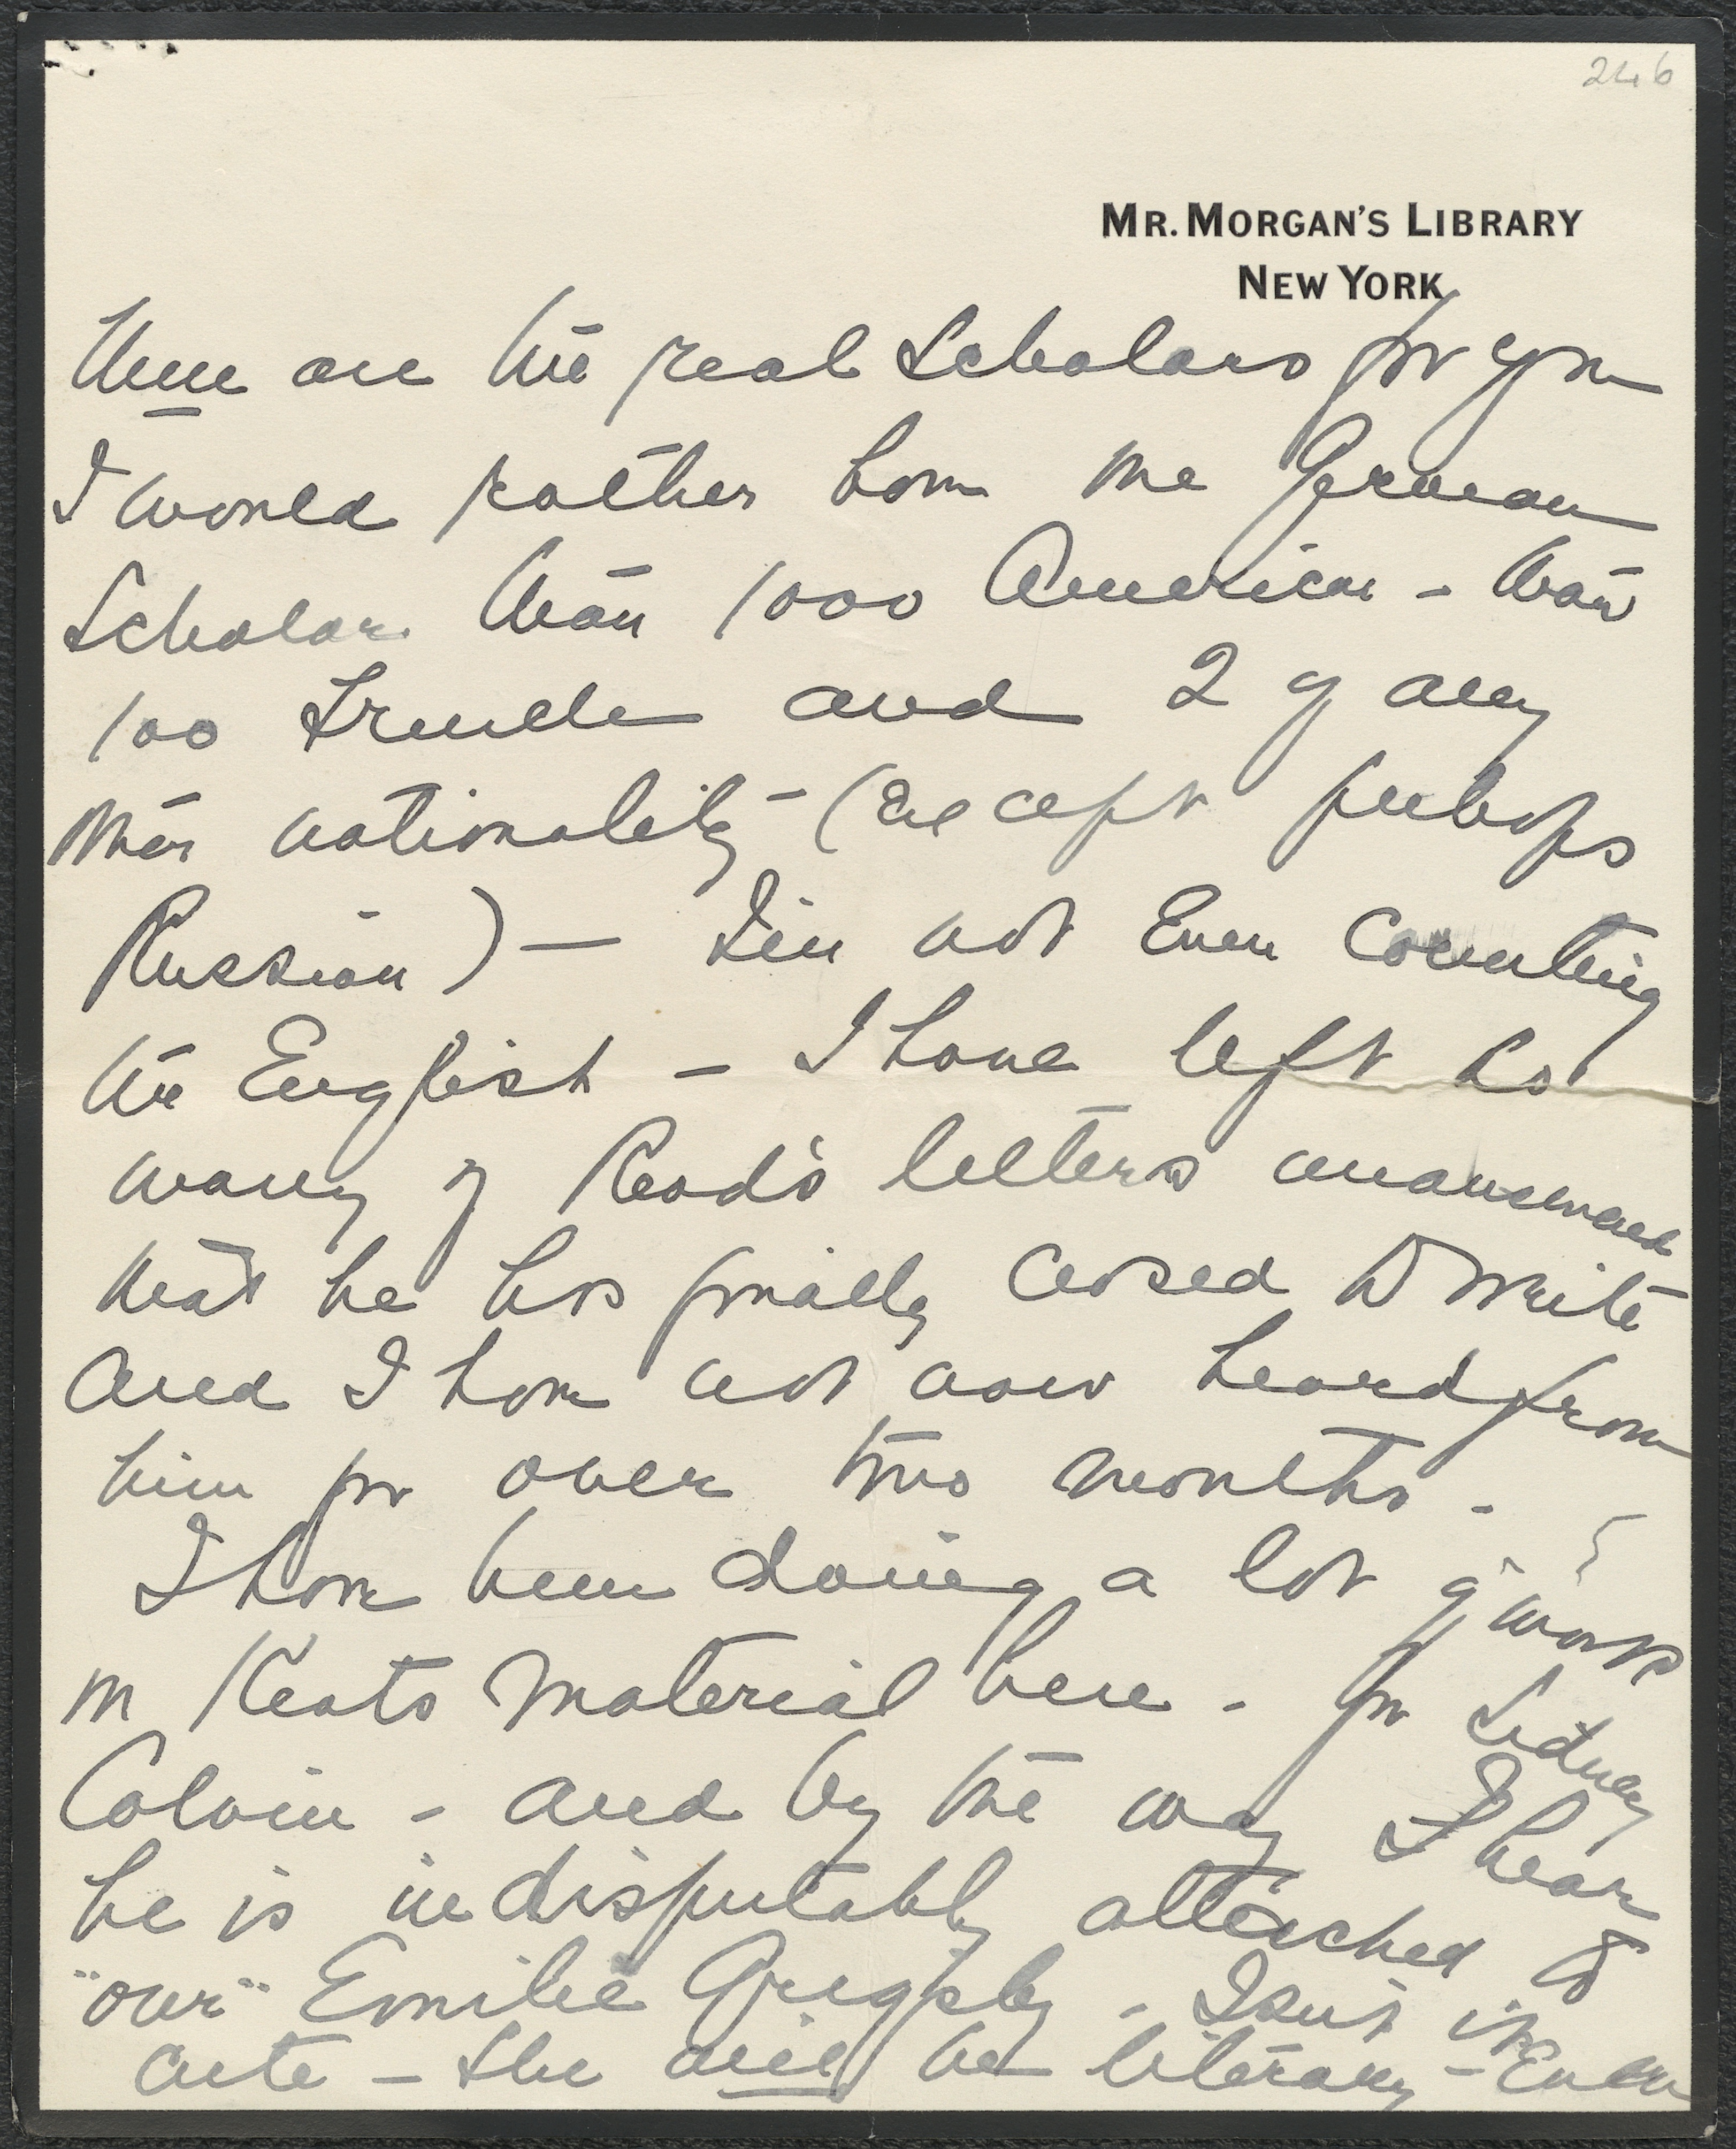There are the real scholars for you – I would rather have one German scholar than 1000 American – than 100 French and 2 of any other nationality – (except perhaps Russian) – I’m not even counting the English – I have left so many of Read’s letters unanswered that he has finally ceased to write and I have not now heard from him for over two months.
I have been doing a lot of work on Keats material here – for Sidney Colvin – and by the way I hear he is indisputably attached to “our” Emilie Grigsby, Isn’t it cute – she will be literally – ever